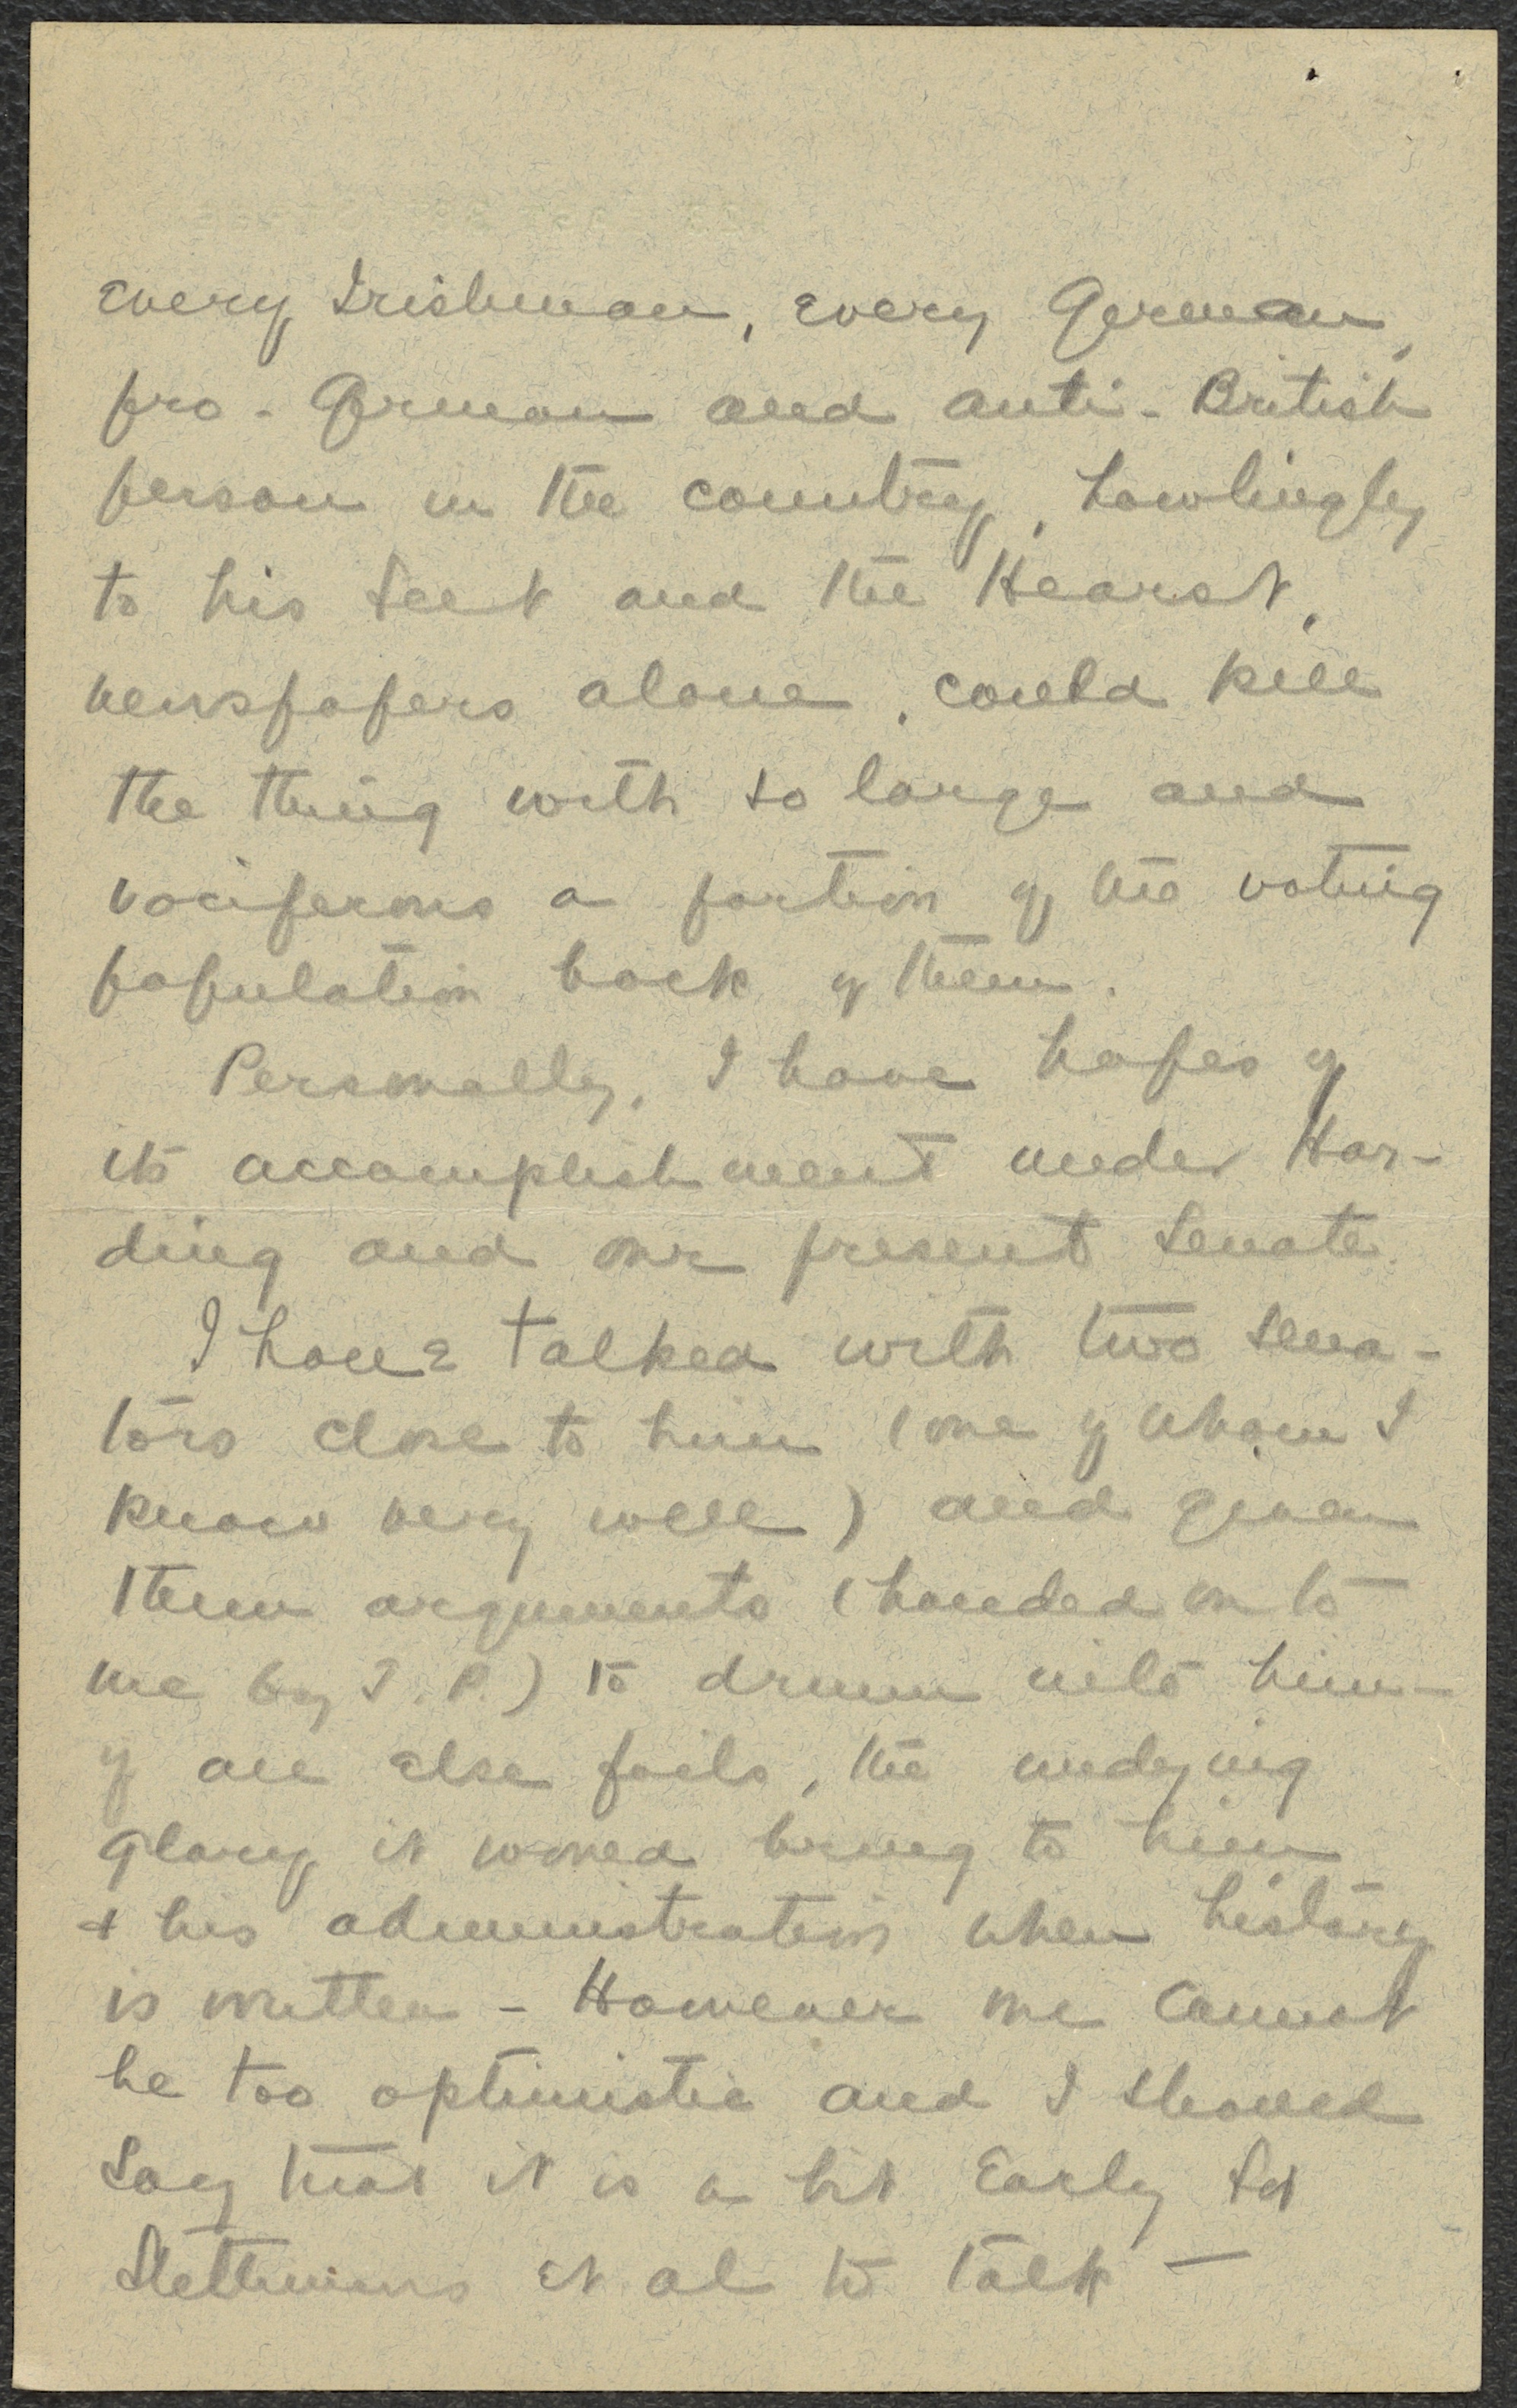every Irishman, every German, pro-German and anti-British person in the country, howlingly to his feet and the Hearst, newspapers alone, could kill the thing with so large and vociferous a portion of the voting population back of them.
Personally, I have hopes of its accomplishment under Harding and our present Senate. I have talked with two senators close to him (one of whom I know very well) and given them arguments (handed to me by J.P.) to drum into him – if all else fails, the undying glory it would bring to him & his administration when history is written – However one cannot be too optimistic and I should say that it is a bit early for Stettinius et al to talk –